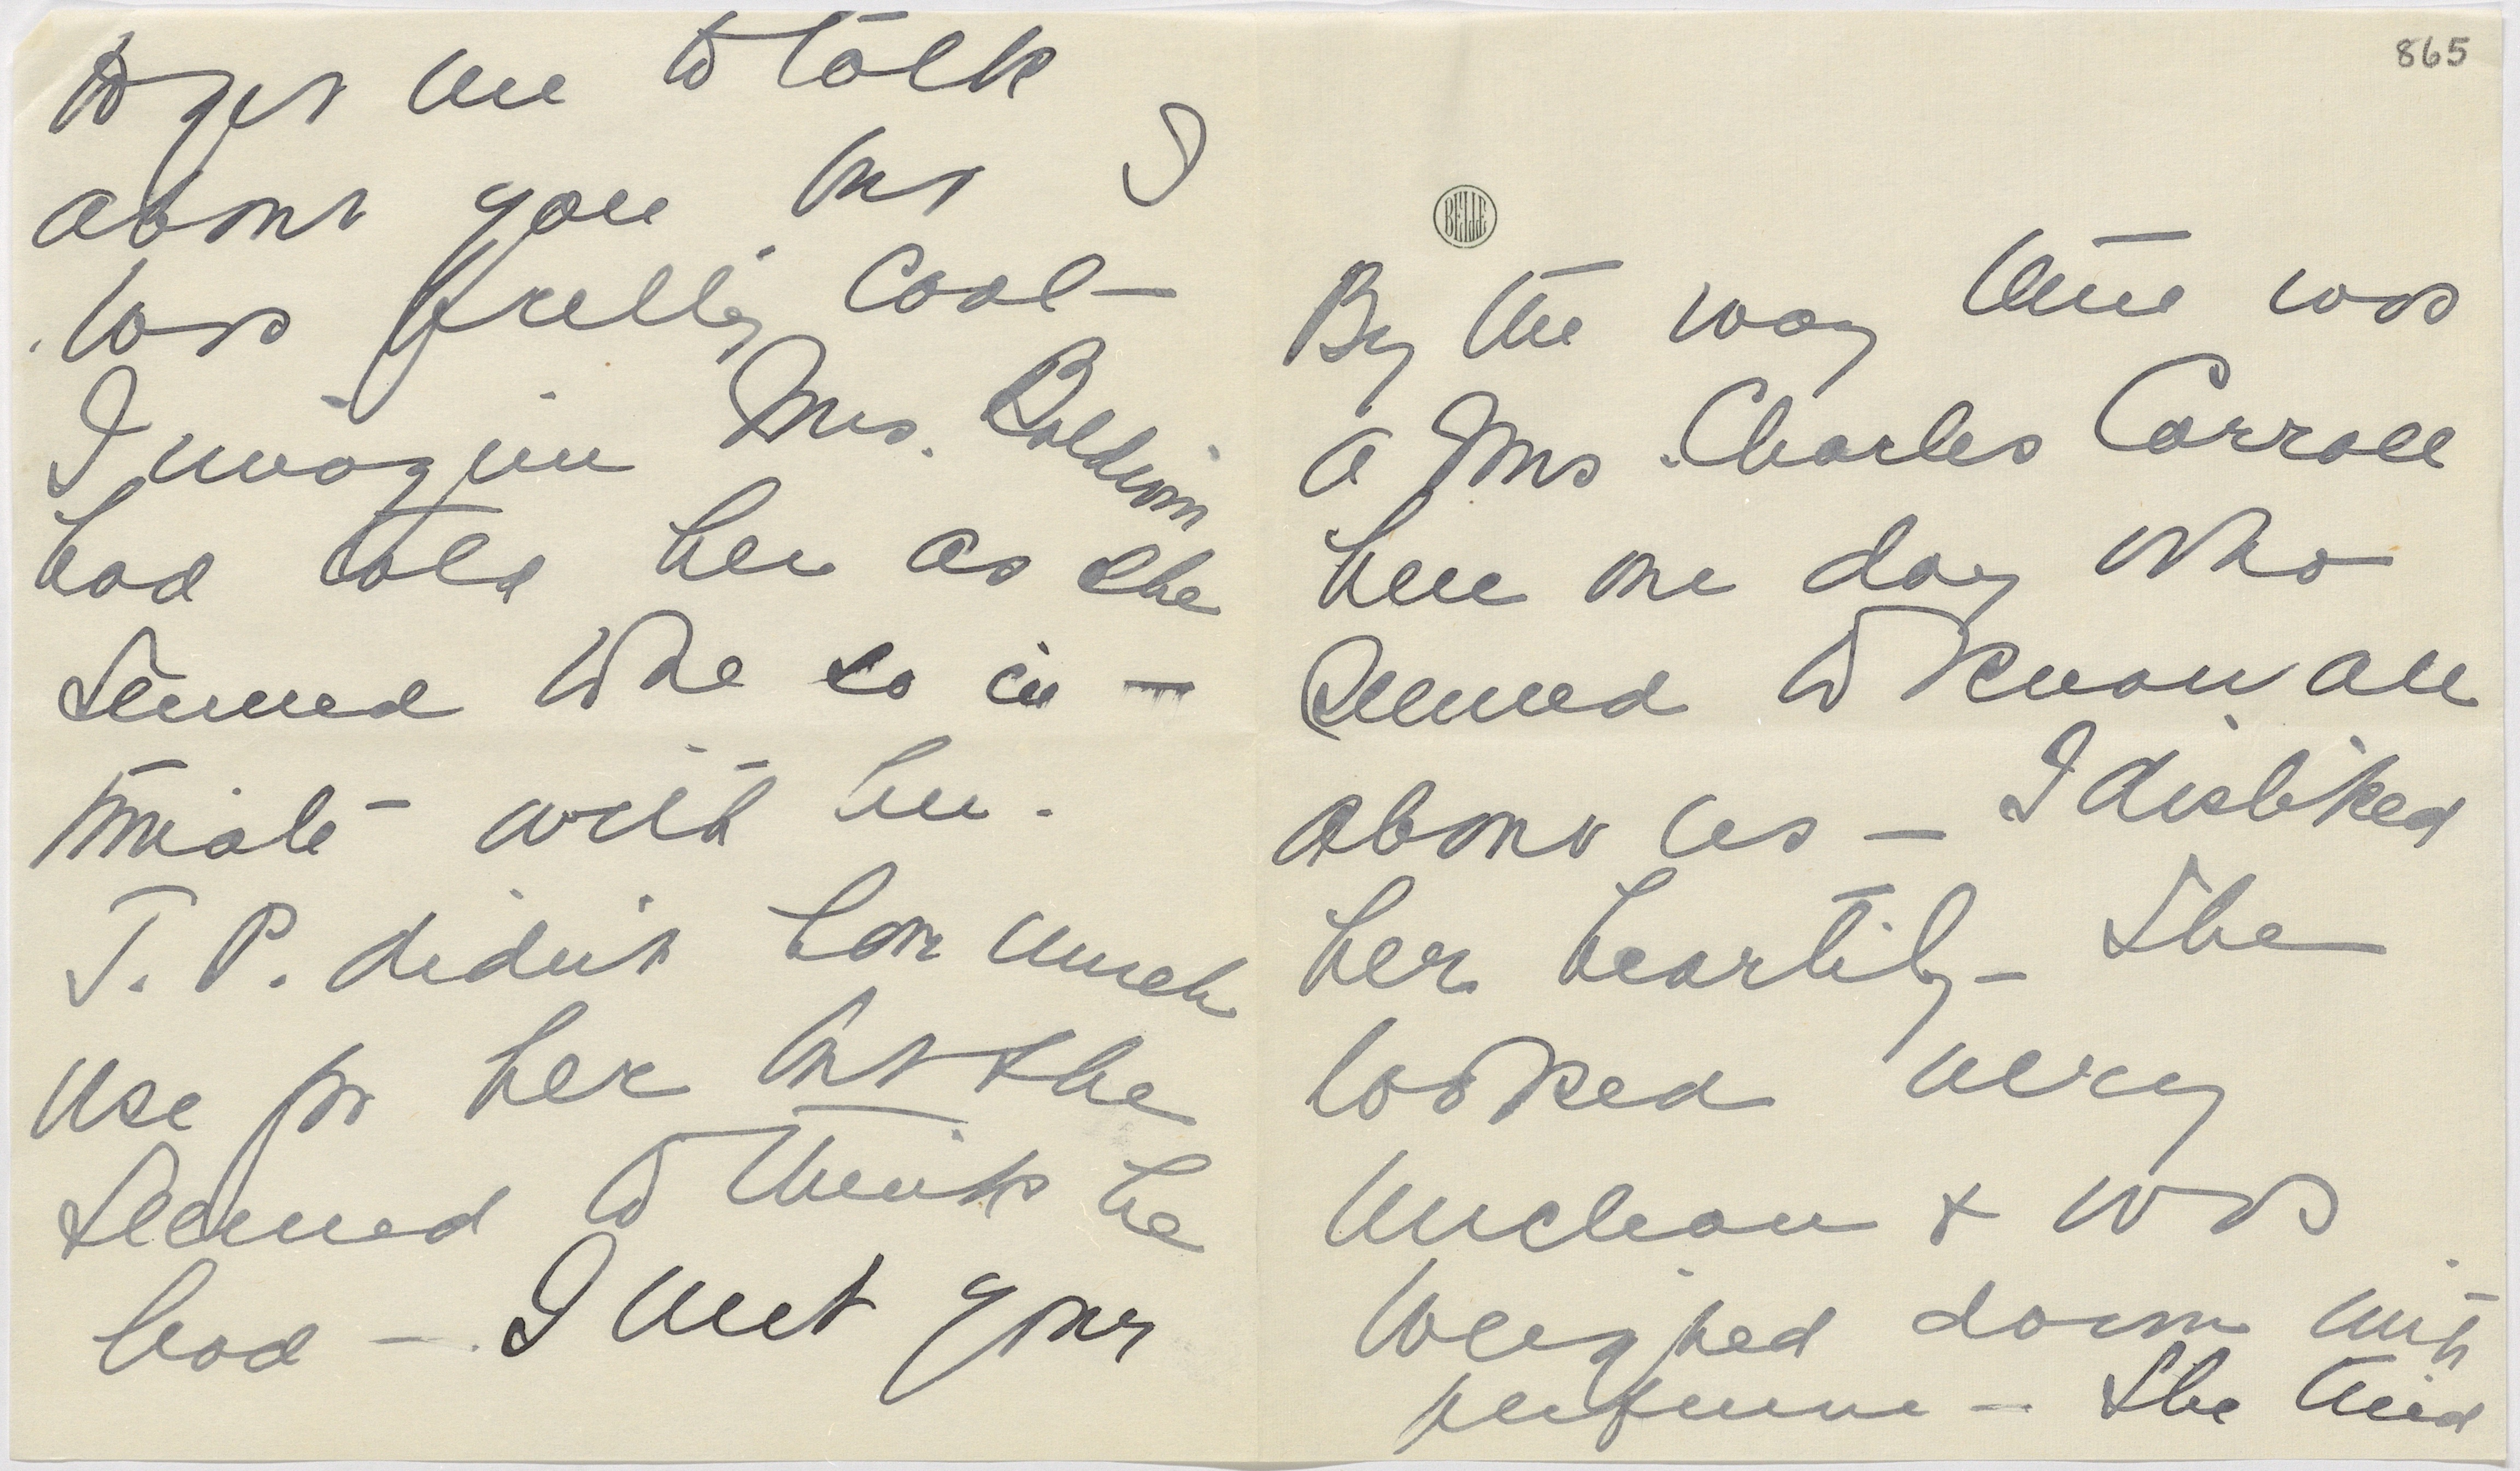By the way there was a Mrs. Charles Carroll here one day who seemed to know all about us – I disliked her heartily – She looked very unclean & was weighed down with perfume – She tried
to get me to talk about you but I was pretty cool – I imagine Mrs. Baldwin had told her as she seemed to be so intimate with her.
J. P. didn’t have much use for her but she seemed to think he had – I met your